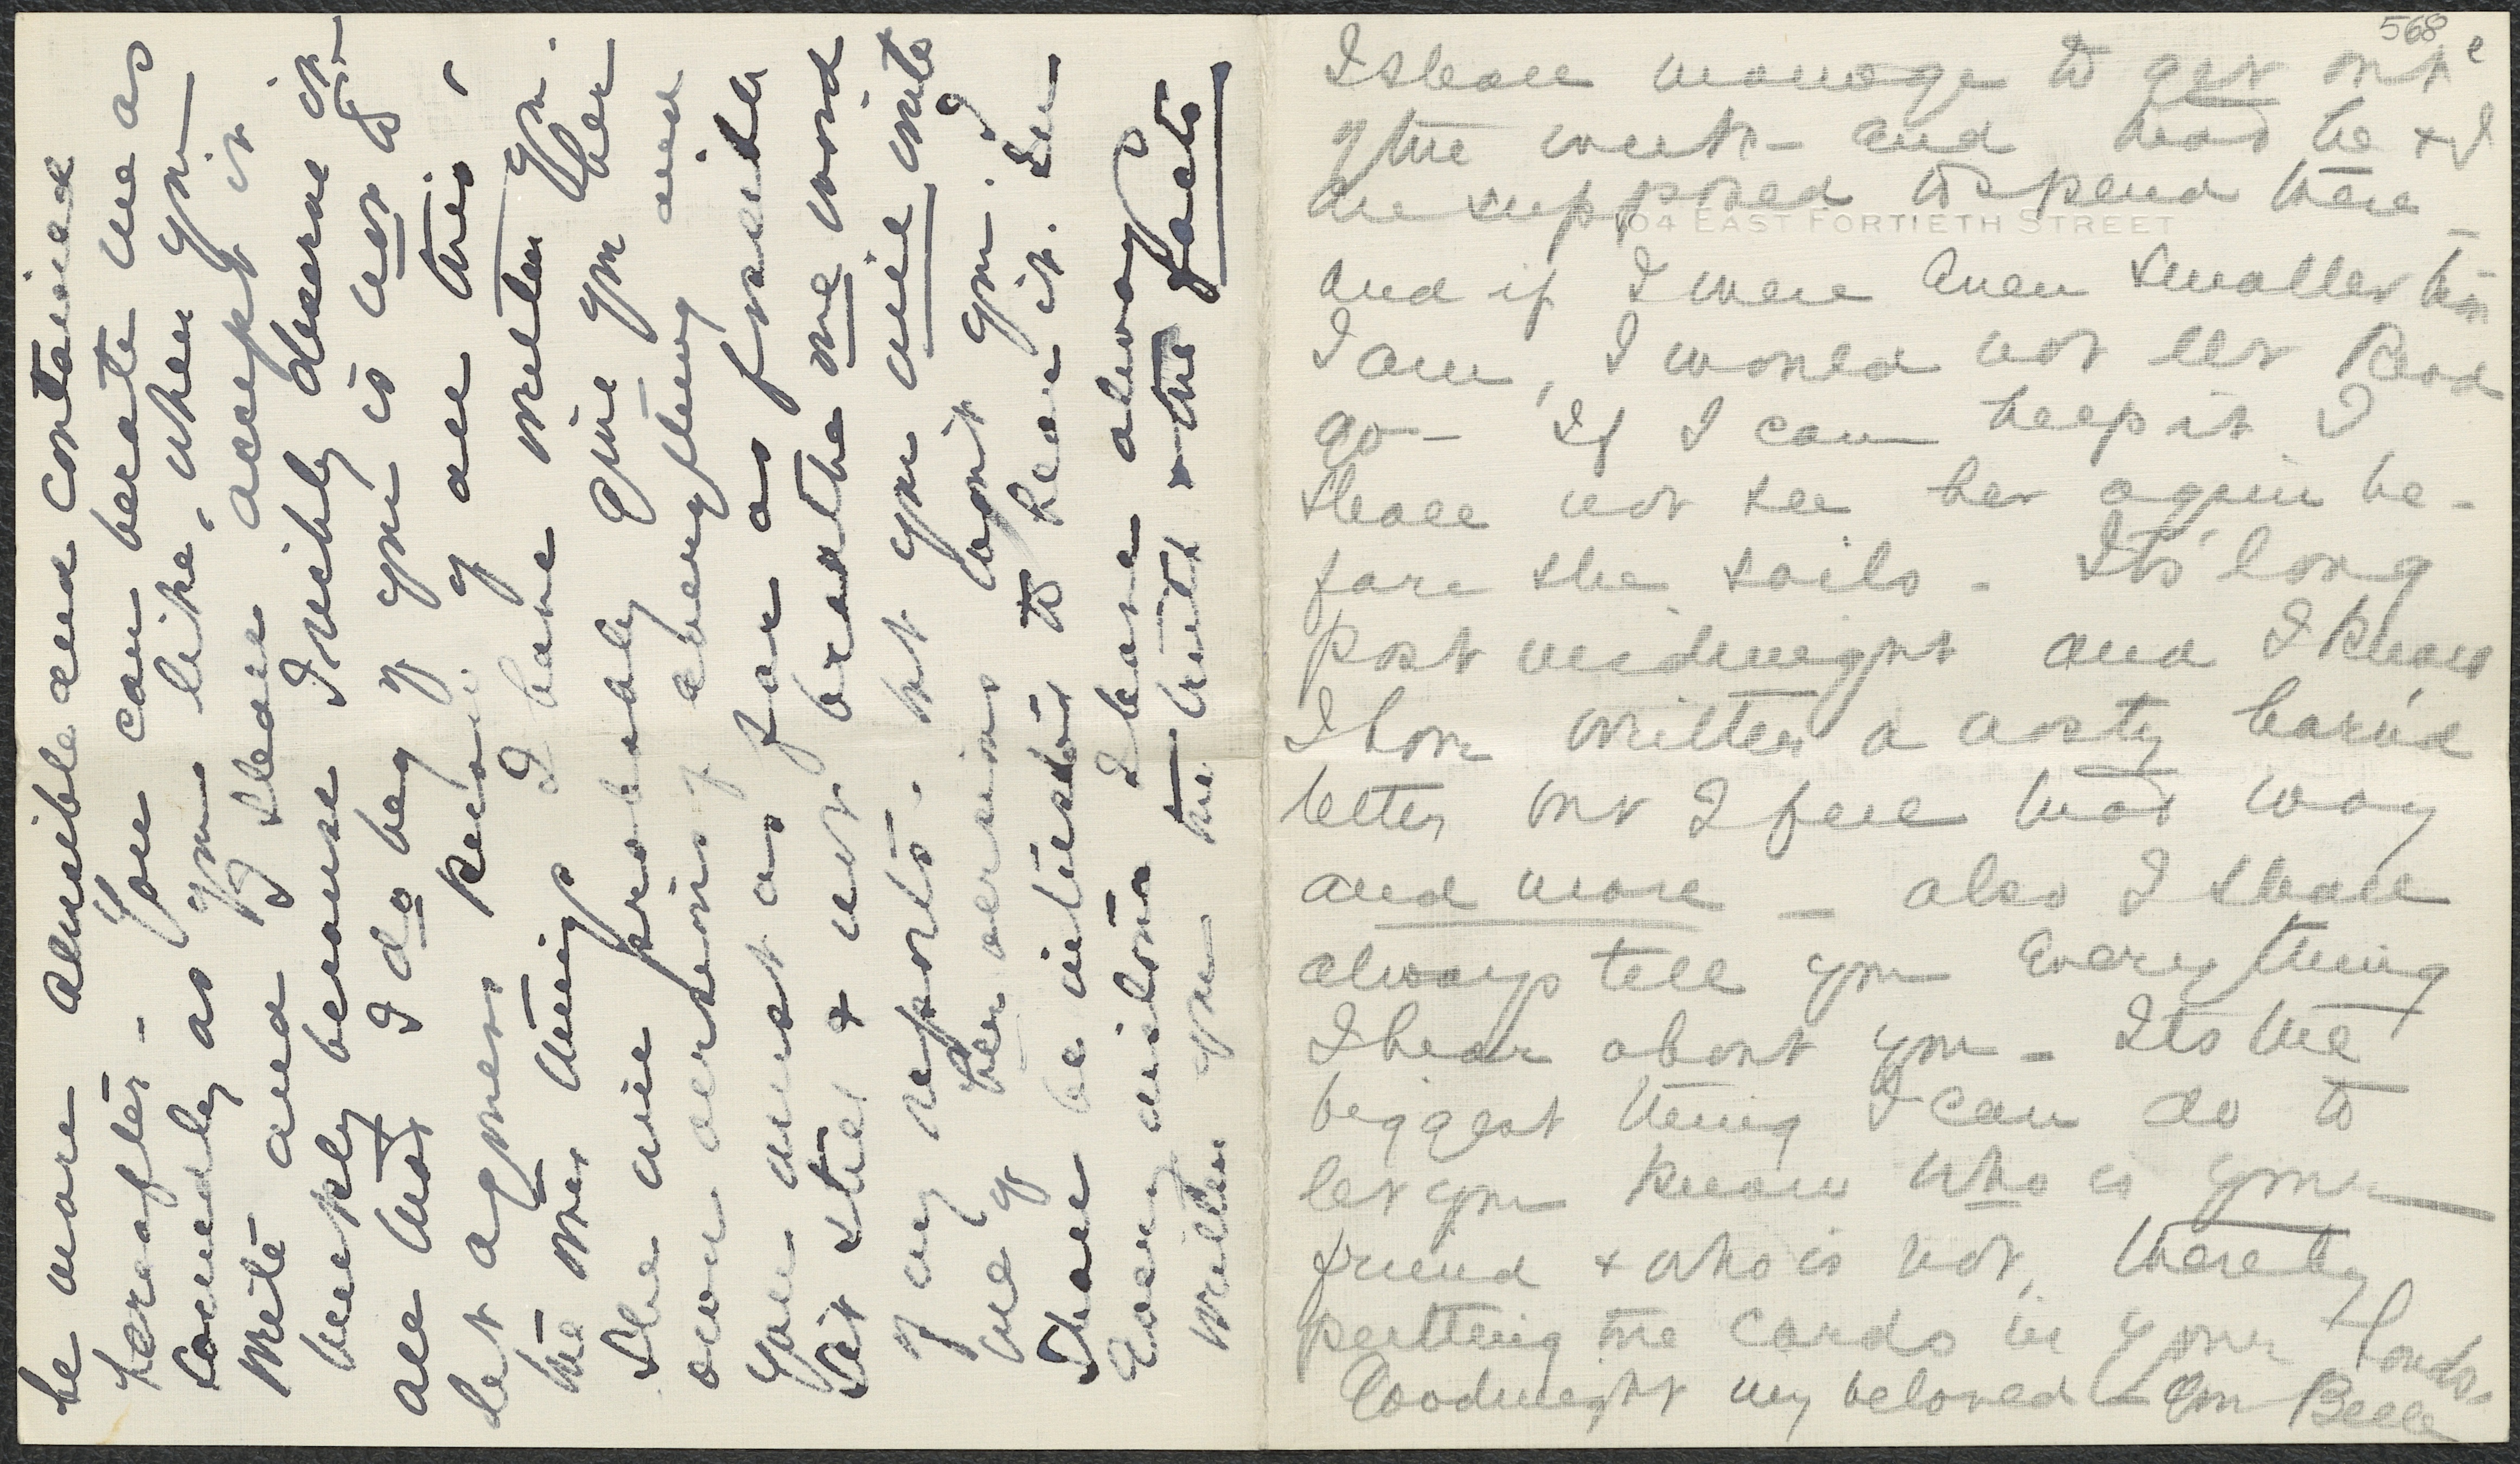I shall manage to get out of the week-end that he & I are supposed to spend there and if I were even smaller than I am, I would not let Read go – If I can keep it I shall not see her again before she sails – It’s long past midnight and I know I have written a nasty horrid letter but I feel that way and more – also I shall always tell you everything I hear about you – It’s the biggest thing I can do to let you know who is your friend & who is not, thereby putting the cards in your hands, Goodnight my beloved – Your Belle
be more amiable and contained hereafter – You can berate me as soundly as you like, when you write and I shall accept it meekly because I richly deserve it – all that I do beg of you is not to let Agoness know of all this & the other things I have written you. She will probably give you her own versions of everything and you must as far as possible sit still & not breathe one word of my reports – but you will write me of her versions won’t you. I shall be interested to hear it. In every instance I have always written you the truth & the facts